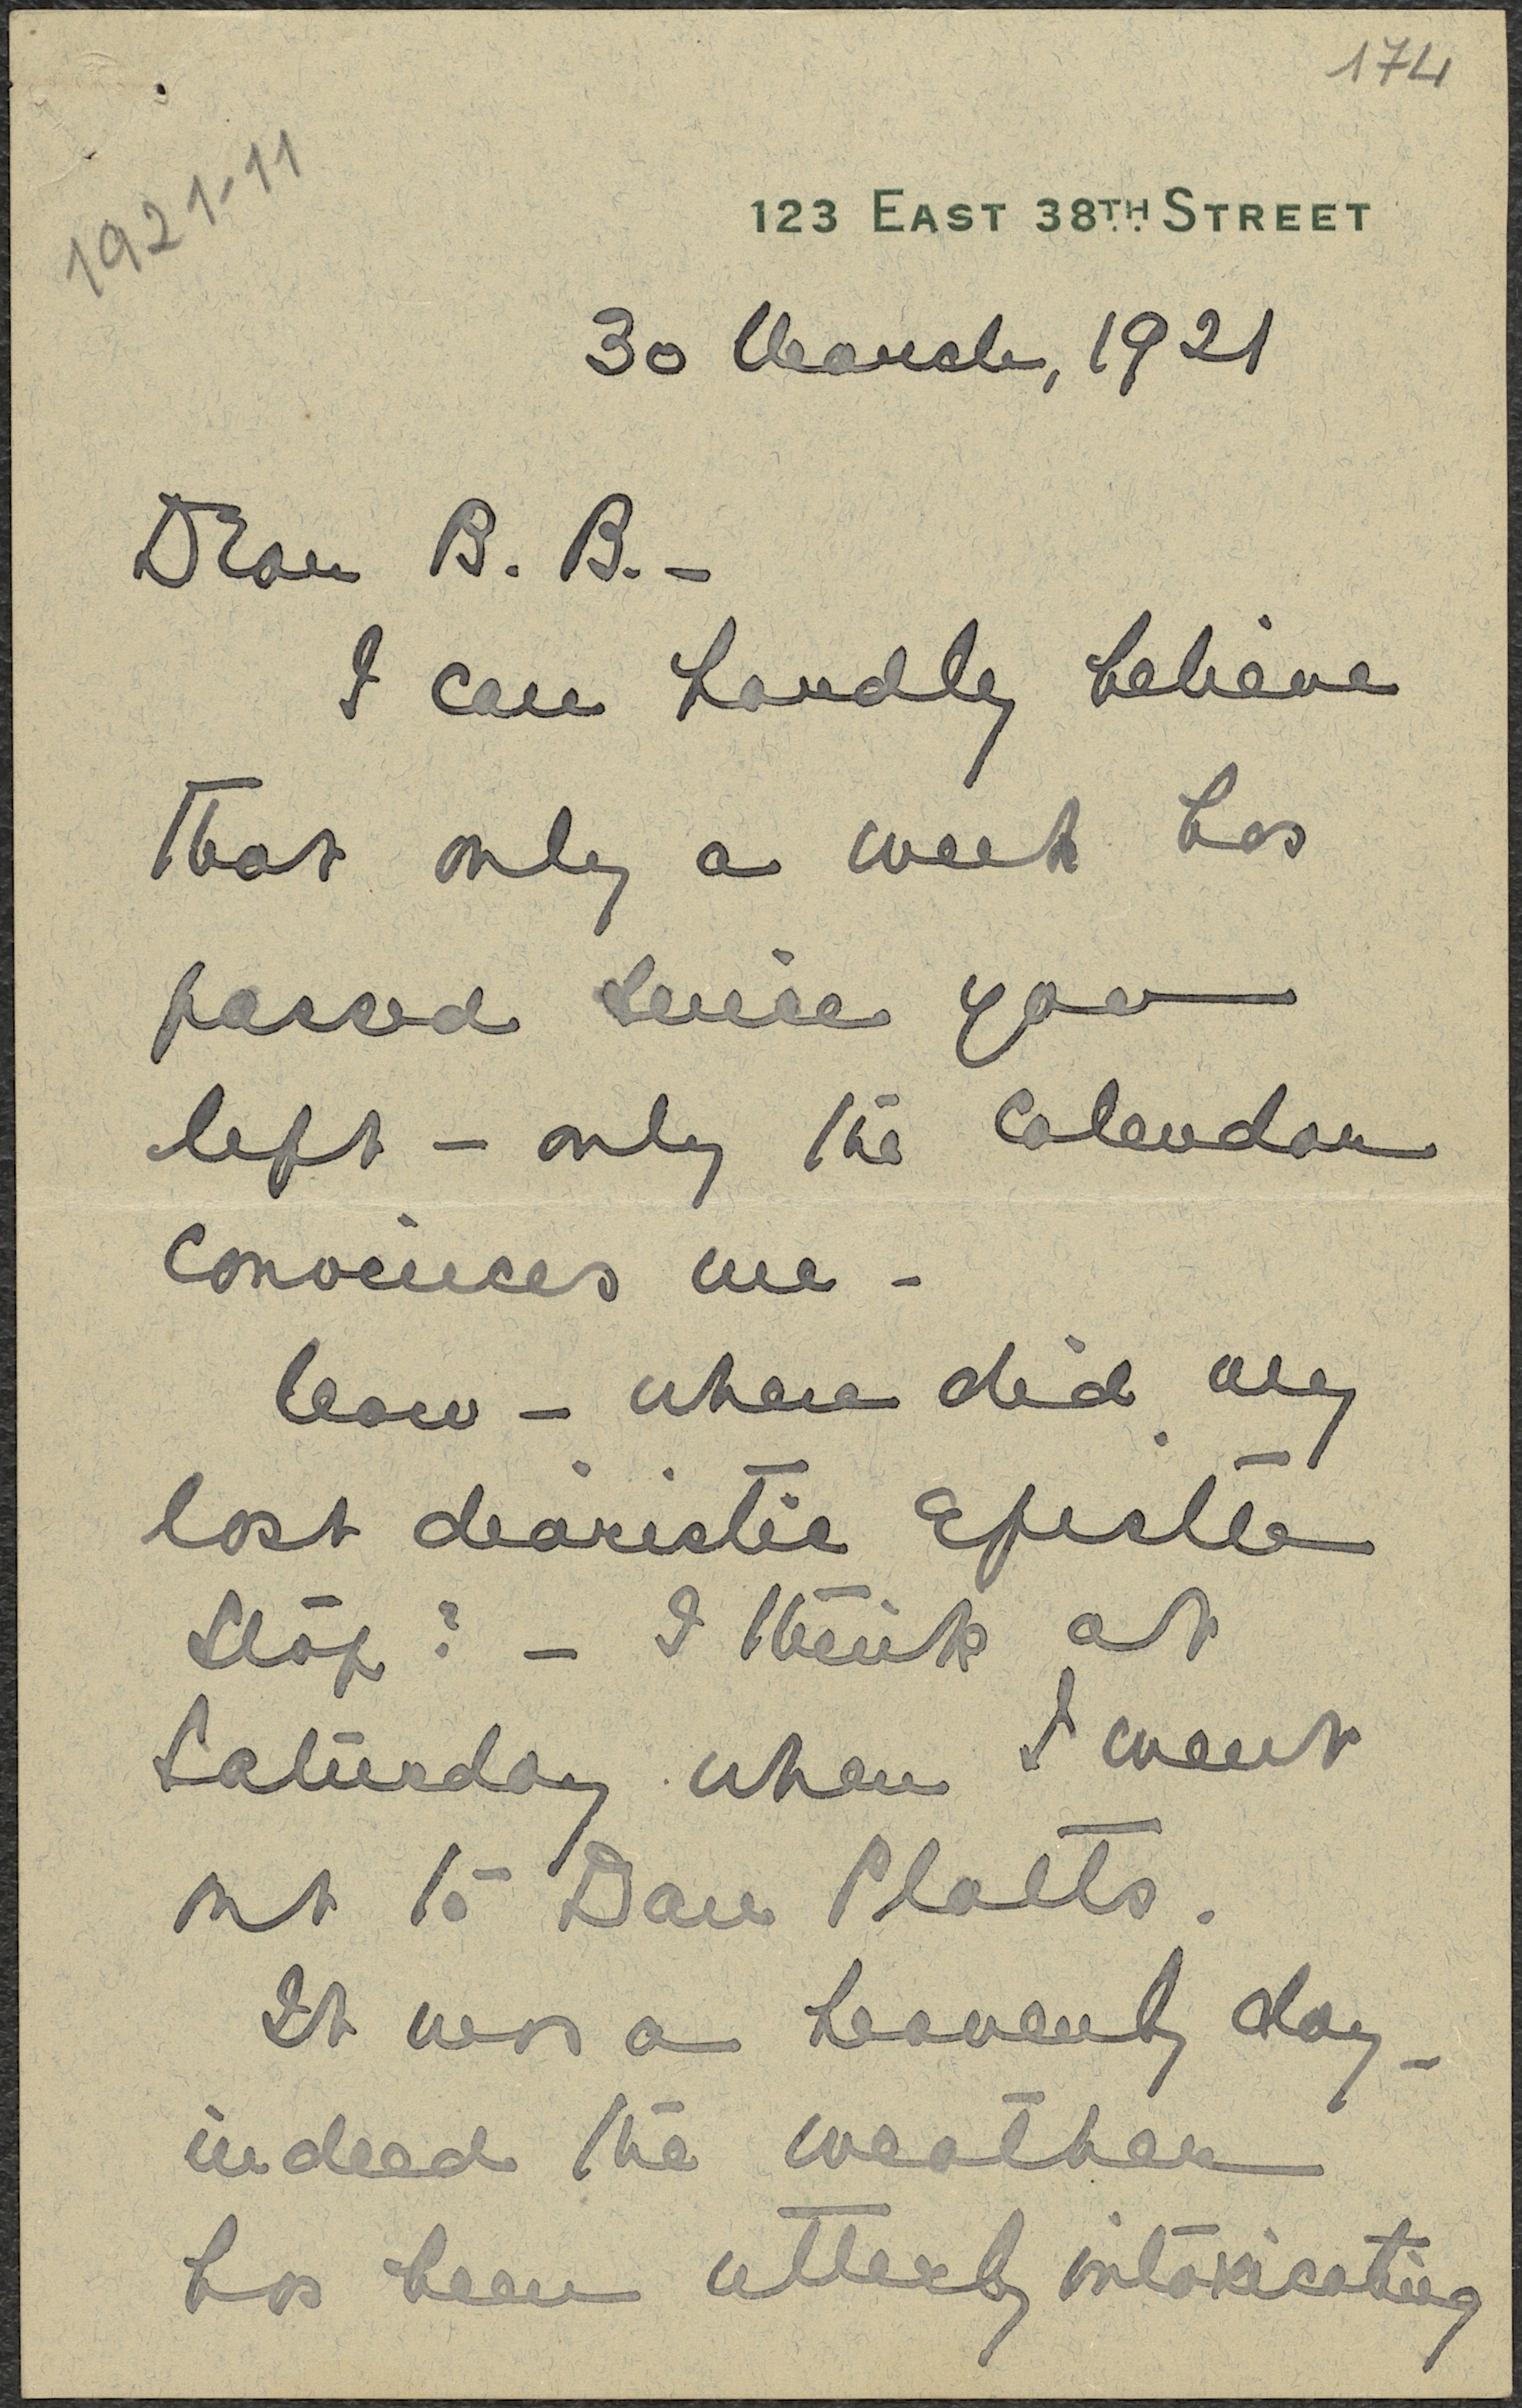30 March, 1921
Dear B.B. –
I can hardly believe that only a week has passed since you left – only the calendar convinces me –
Now – where did my last diaristic epistle stop? – I think at Saturday when I went out to Dan Platts.
It was a heavenly day – indeed the weather has been utterly intoxicating